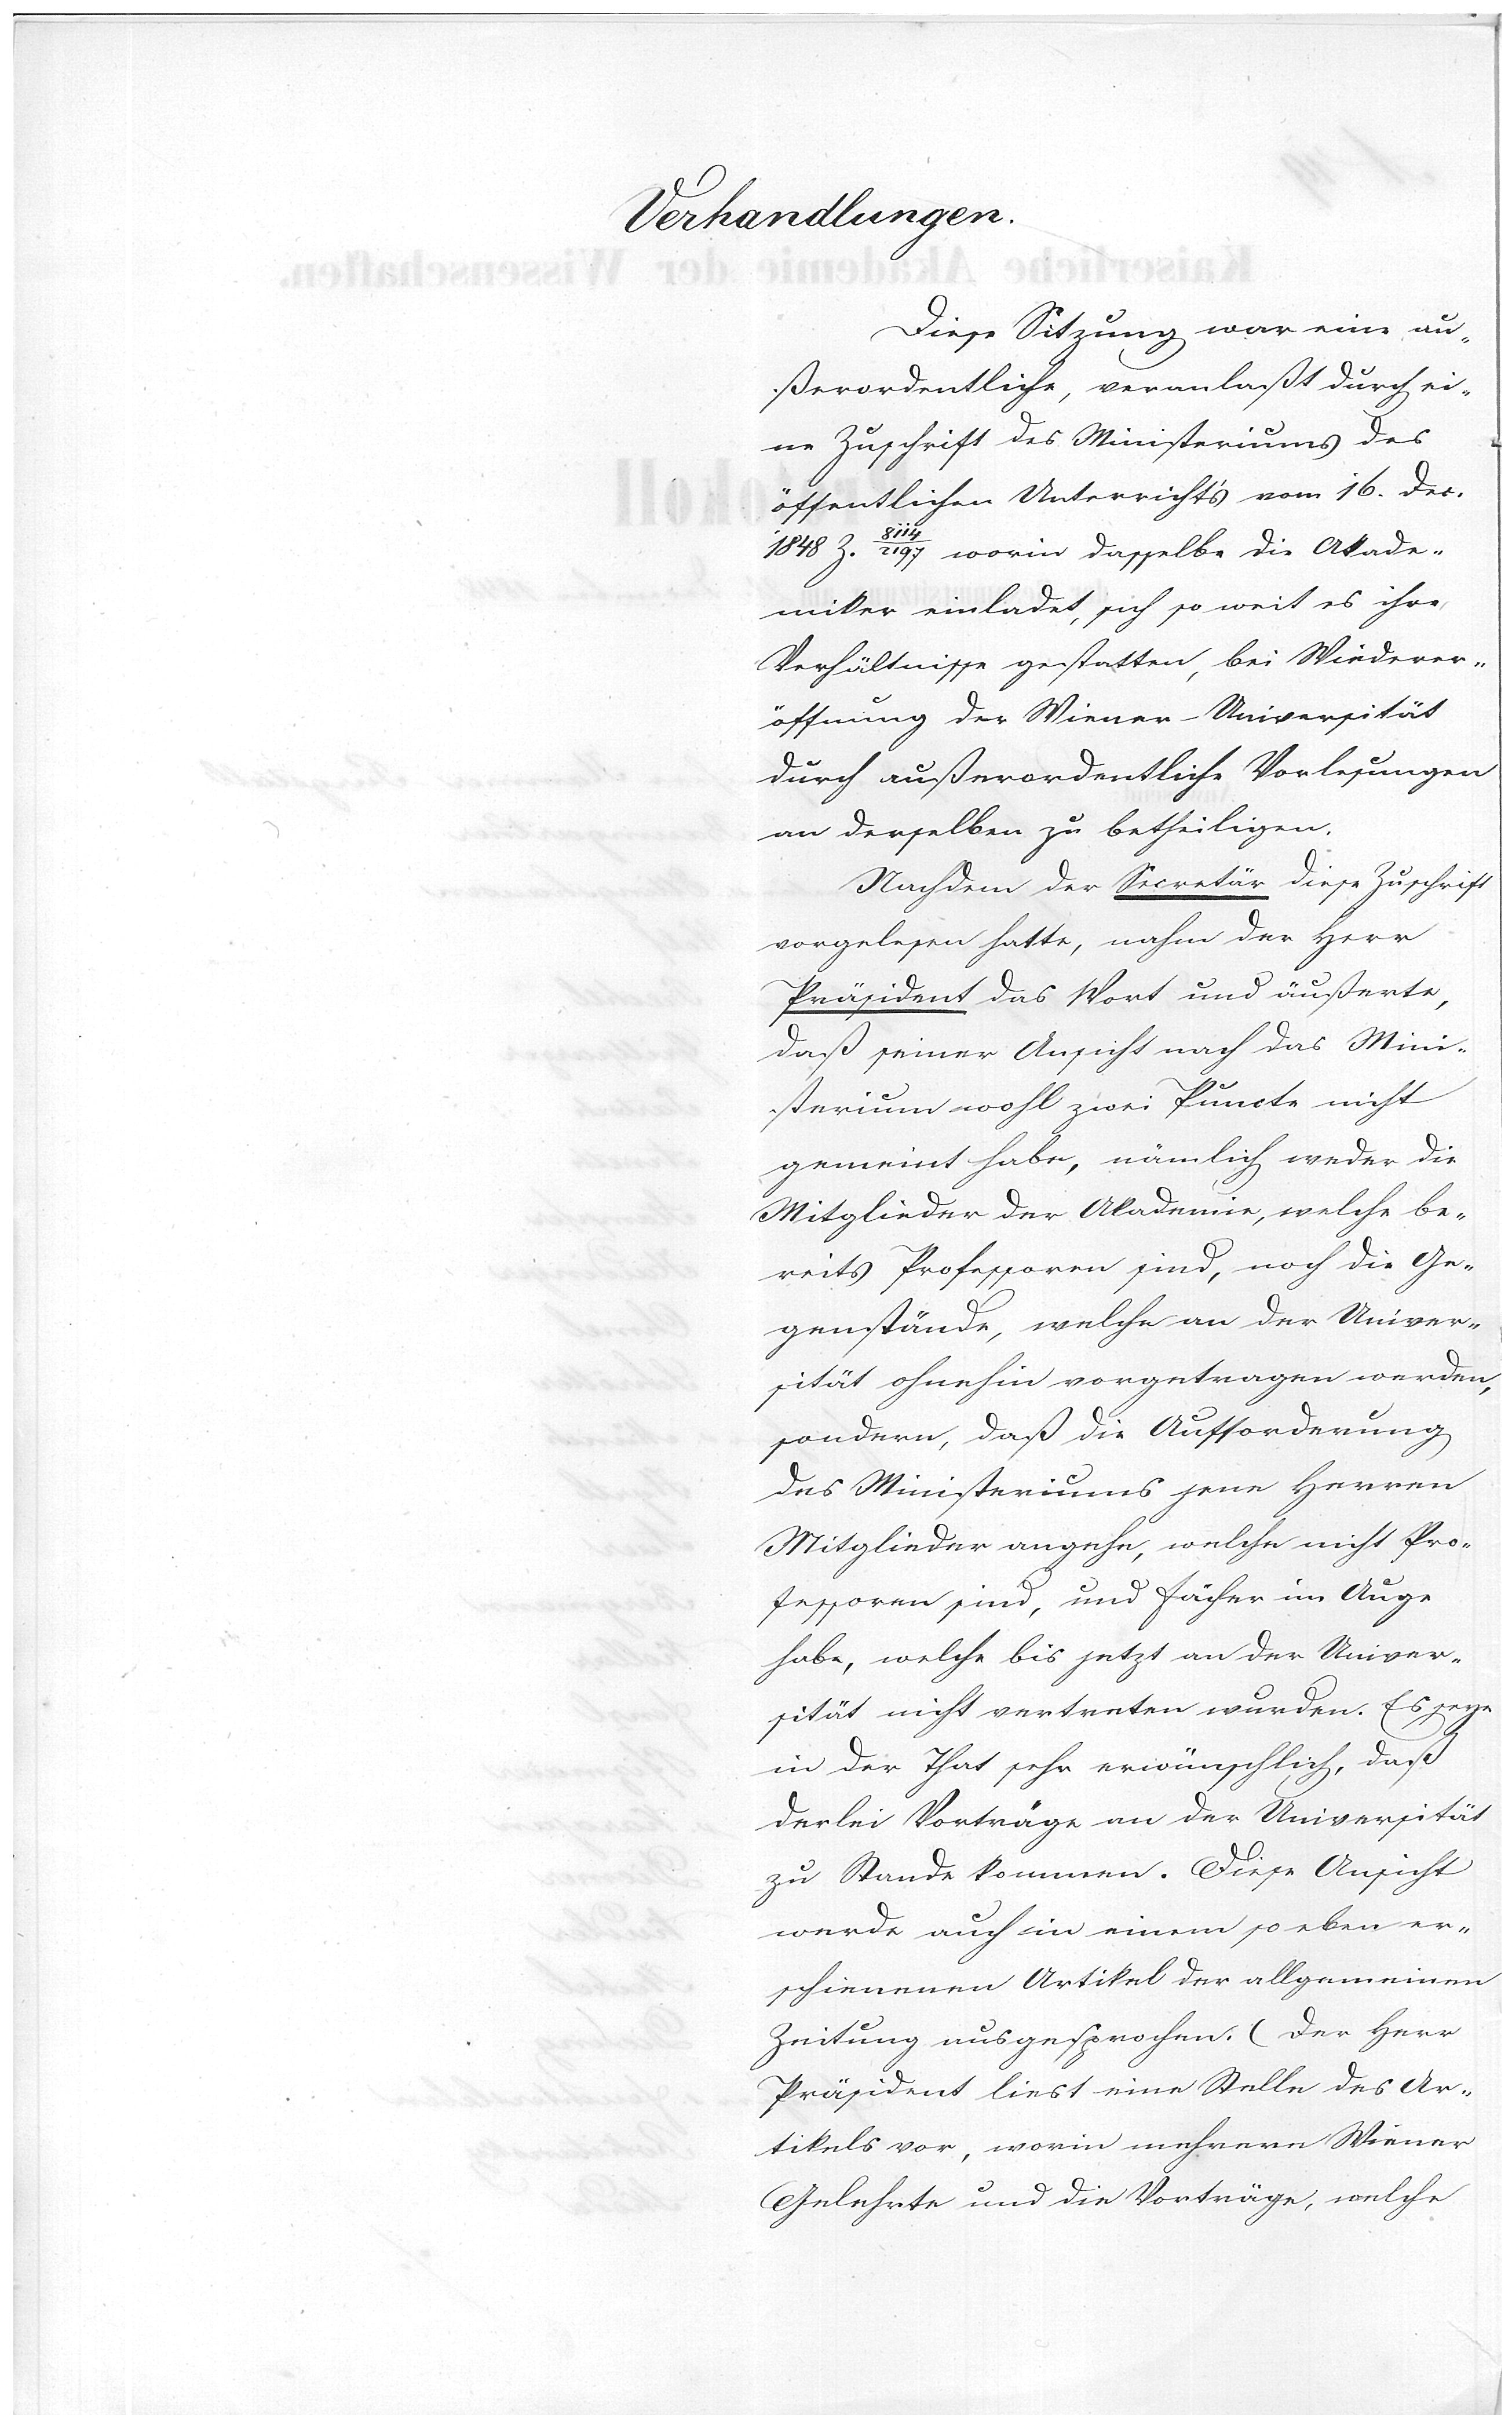Verhandlungen.
Diese Sitzung war eine au-
ßerordentliche, veranlaßt durch ei-
er Zuschrift des Ministeriums des
öffentlichen Unterricht's vom 16. Dec.
1848 Z. 8114/2197 worin dasselbe die Akade-
miker einladet, sich so weit es ihre
Verhältnisse gestatten bei Wiederer-
öffnung der Wiener-Universität
durch außerordentliche Vorlesungen
an derselben zu betheiligen.
Nachdem der Secretär diese Zuschrift
vorgelesen hatte, nahm der Herr
Präsident das Wort und äußerte,
daß seiner Ansicht nach das Mini-
sterium wohl zwei Puncte nicht
gemeint habe, nämlich weden die
Mitglieder der Akademie, welche be-
reits Professoren sind, noch die Ge-
genstände, welche an der Univer-
sität ohnehin vorgetragen werden,
sondern, daß die Aufforderung
des Ministeriums jene Herren
Mitglieder angehe, welche nicht Pro-
fessoren sind, und Fächer im Auge
habe, welche bis jetzt an der Univer-
sität nicht vertreten wurden. Es seye
in der That sehr erwünschlich, daß
derlei Vorträge an der Universität
zu Stande kommen. Diese Ansicht
werde auch in einem soeben er-
schienenen Artikel der allgemeinen
Zeitung ausgesprochen (der Herr
Präsident liest eine Stelle des Ar-
tikels vor, worin mehrere Wiener
Gelehrte und die Vorträge, welche